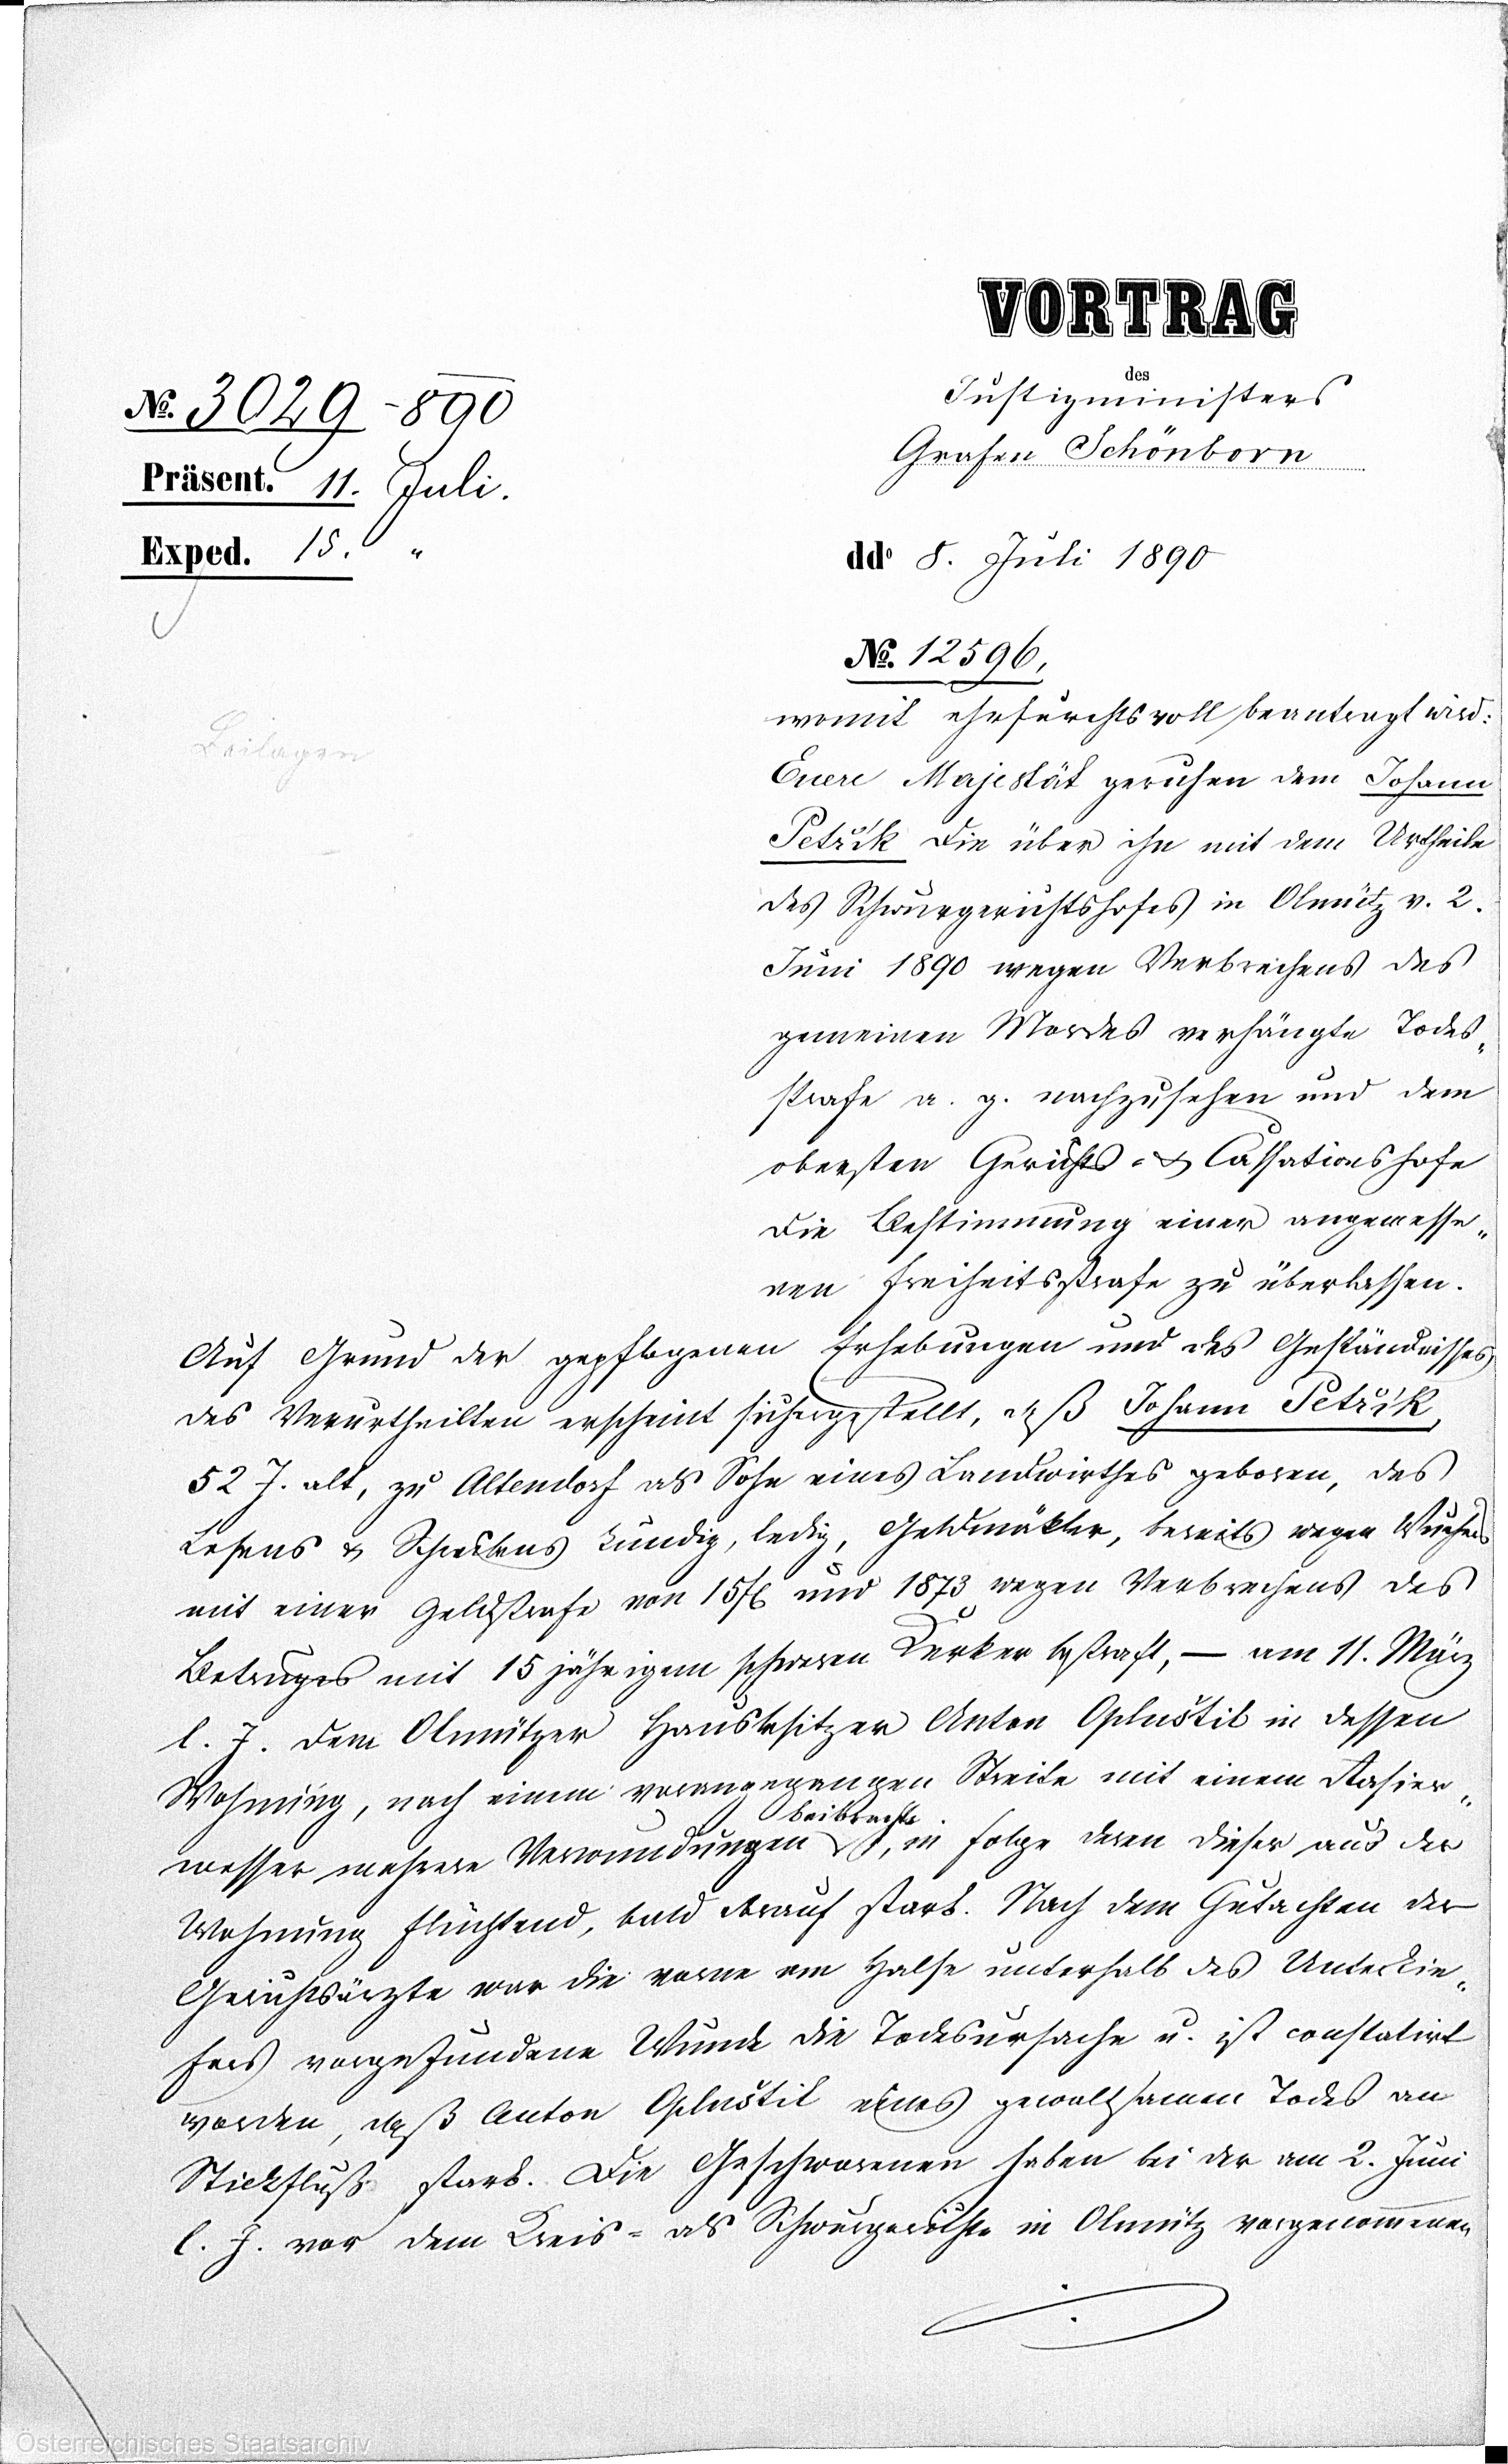Nr. 3029-890
Präsent. 11. Juli.
Exped. 15. Juli.
Beilagen
VORTRAG
des
Justizministers
Grafen Schönborn
dd° 8. Juli 1890
Nr. 12596,
womit ehrfürchtsvoll beantragt wird:
Euere Majestät geruhen dem Johann
Petrxxk die über ihn mit dem Urtheile
des Schwurgerichtshofes in Olmütz v. 2.
Juni 1890 wegen Verbrechens des
gemeinen Mordes verhängte Todes¬
strafe a. g. nachzusehen und dem
obersten Gerichts- / Cassationshofe
die Bestimmung einer angemesse¬
nen Freiheitsstrafe zu überlassen.
Auf Grund der gepflogenen Erhebungen und des Geständnisse,
des Verurtheilten erscheint sichergestellt, daß Johann Petrxx,
52 J. alt, zu Altendorf as Sohn eines Landwirthes geboren, des
Lesens & Schxxbens kundig, ledig, Geldmäkler, bereits wegen Wuchers
mit einer Geldstrafe von 15/6 nur 1873 wegen Verbrechens des
Betruges mit 15jährigem schweren Kerker bestraft, — am 11. März
l. J. dem Olmütger Hausbesitzer Anton Oplustil in dessen
Wohnung, nach einem vorangegangen Streite mit einem xxsier¬
brechte
messer mehrere Verwundungen bei, in folge deren dieser aus der
Wohnung flüchtend, bald darauf starb. Nach dem Gutachten der
Gerichtsärzte war die vorne am Halse unterhalb des Unterkie¬
fers vorgefundene Wunde die Todesursache u. ist constatirt
worden, daß Anton Opluštil eines gewolxxamm Todes an
Stickfluß starb. Die Geschworenen haben bei der am 2. Juni
C. J. vor dem Kreis- als Schweigerichte in Olmütz vorgenommen